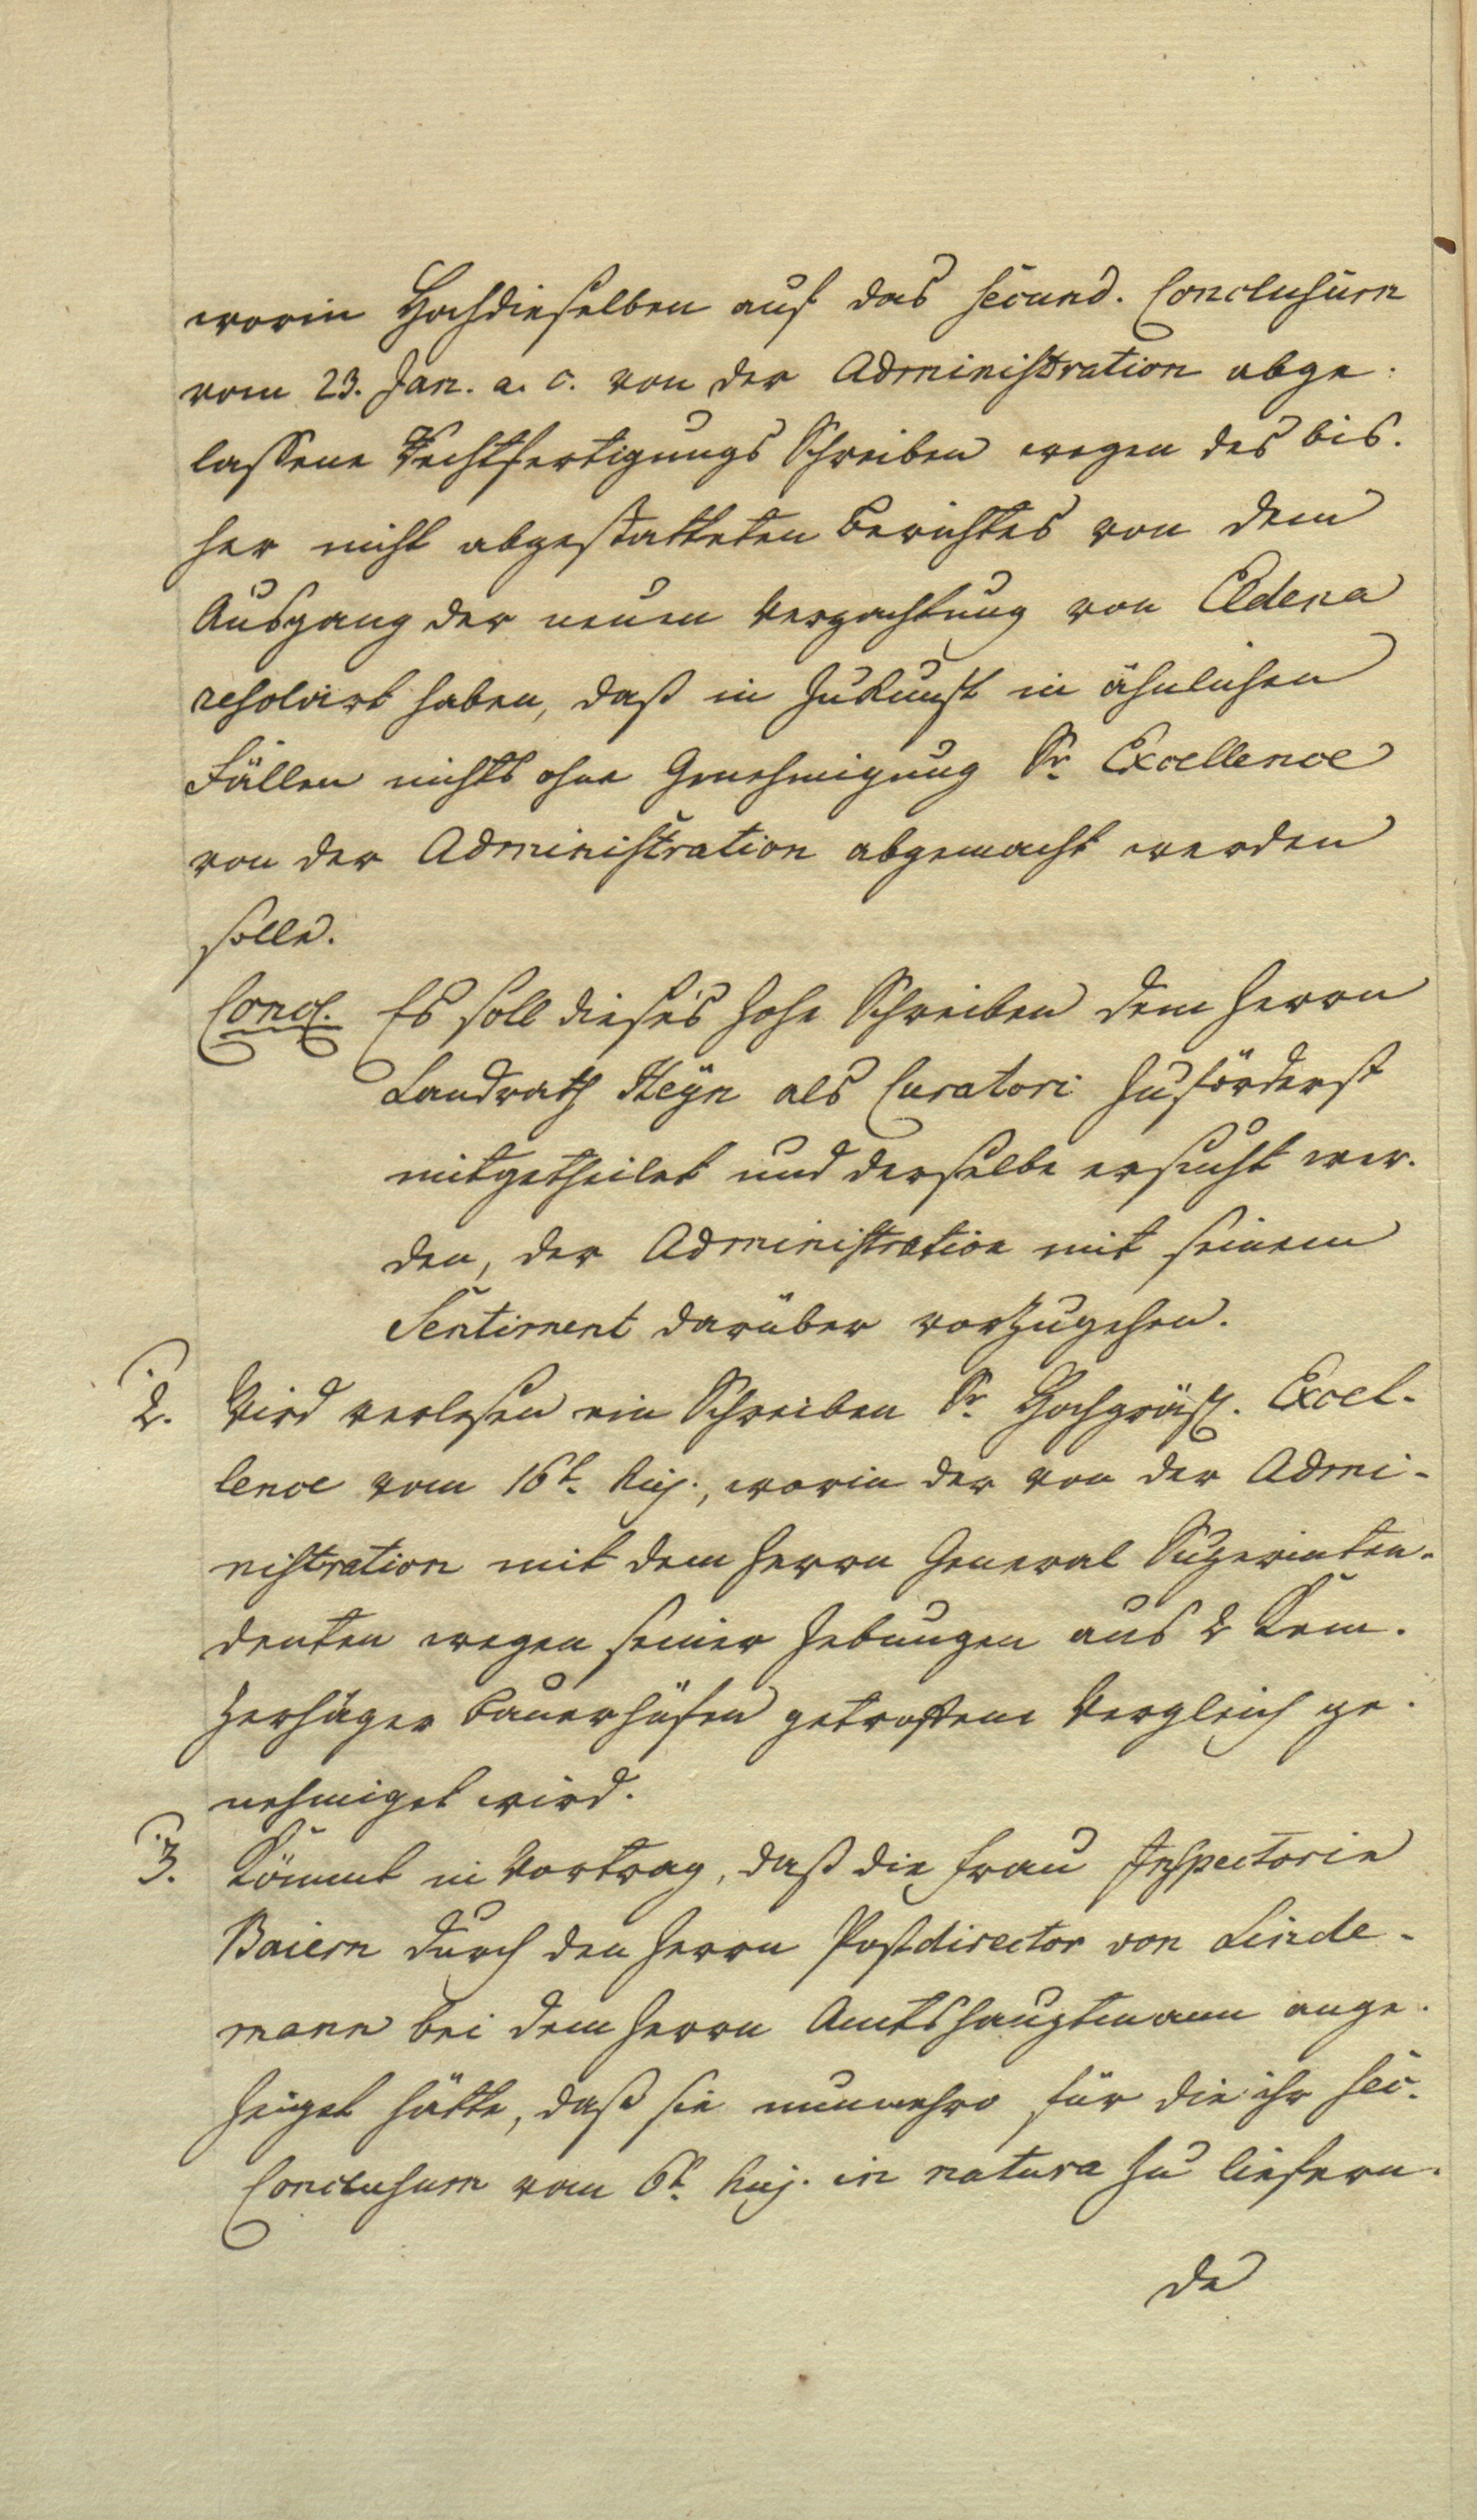worin Hochdieselben auf das secund. Conclusum
vom 23. Jan. a. c. von der Administration abge¬
lassene Rechtfertigungs Schreiben wegen des bis¬
her nicht abgestatteten Berichtes von dem
Ausgang der neuen Verpachtung von Eldena
resolvirt haben, daß in Zukunft in ähnlichen
Fällen nichts ohne Genehmigung Sr Excellence
von der Administration abgemacht werden
solle.
Concl. Es so dieses hohe Schreiben dem Herrn
Landrath Heÿn als Curatori zuförderst
mitgetheilet und derselbe ersucht wer¬
den, der Administration mit seinem
Sentiment darüber vorzugehen.
2. Wird verlesen ein Schreiben Sr. Hochgräfl. Excel¬
lence vom 16 t. huj., worin der von der Admi¬
nistration mit dem Herrn General Superinten¬
denten wegen seiner Hebungen aus 2 Kem¬
zerhäger Bauerhöfen getroffene Vergleich ge¬
nehmiget wird.
3. Kömmt in Vortrag, daß die Frau Inspectorin
Baiern durch den Herrn Postdirector von Linde¬
mann bei dem Herrn Amtshauptmann ange¬
zeiget hätte, daß sie nunmehro für die ihr sec.¬
Conclusum vom 6 t. huj. in natura zu liefern¬
de